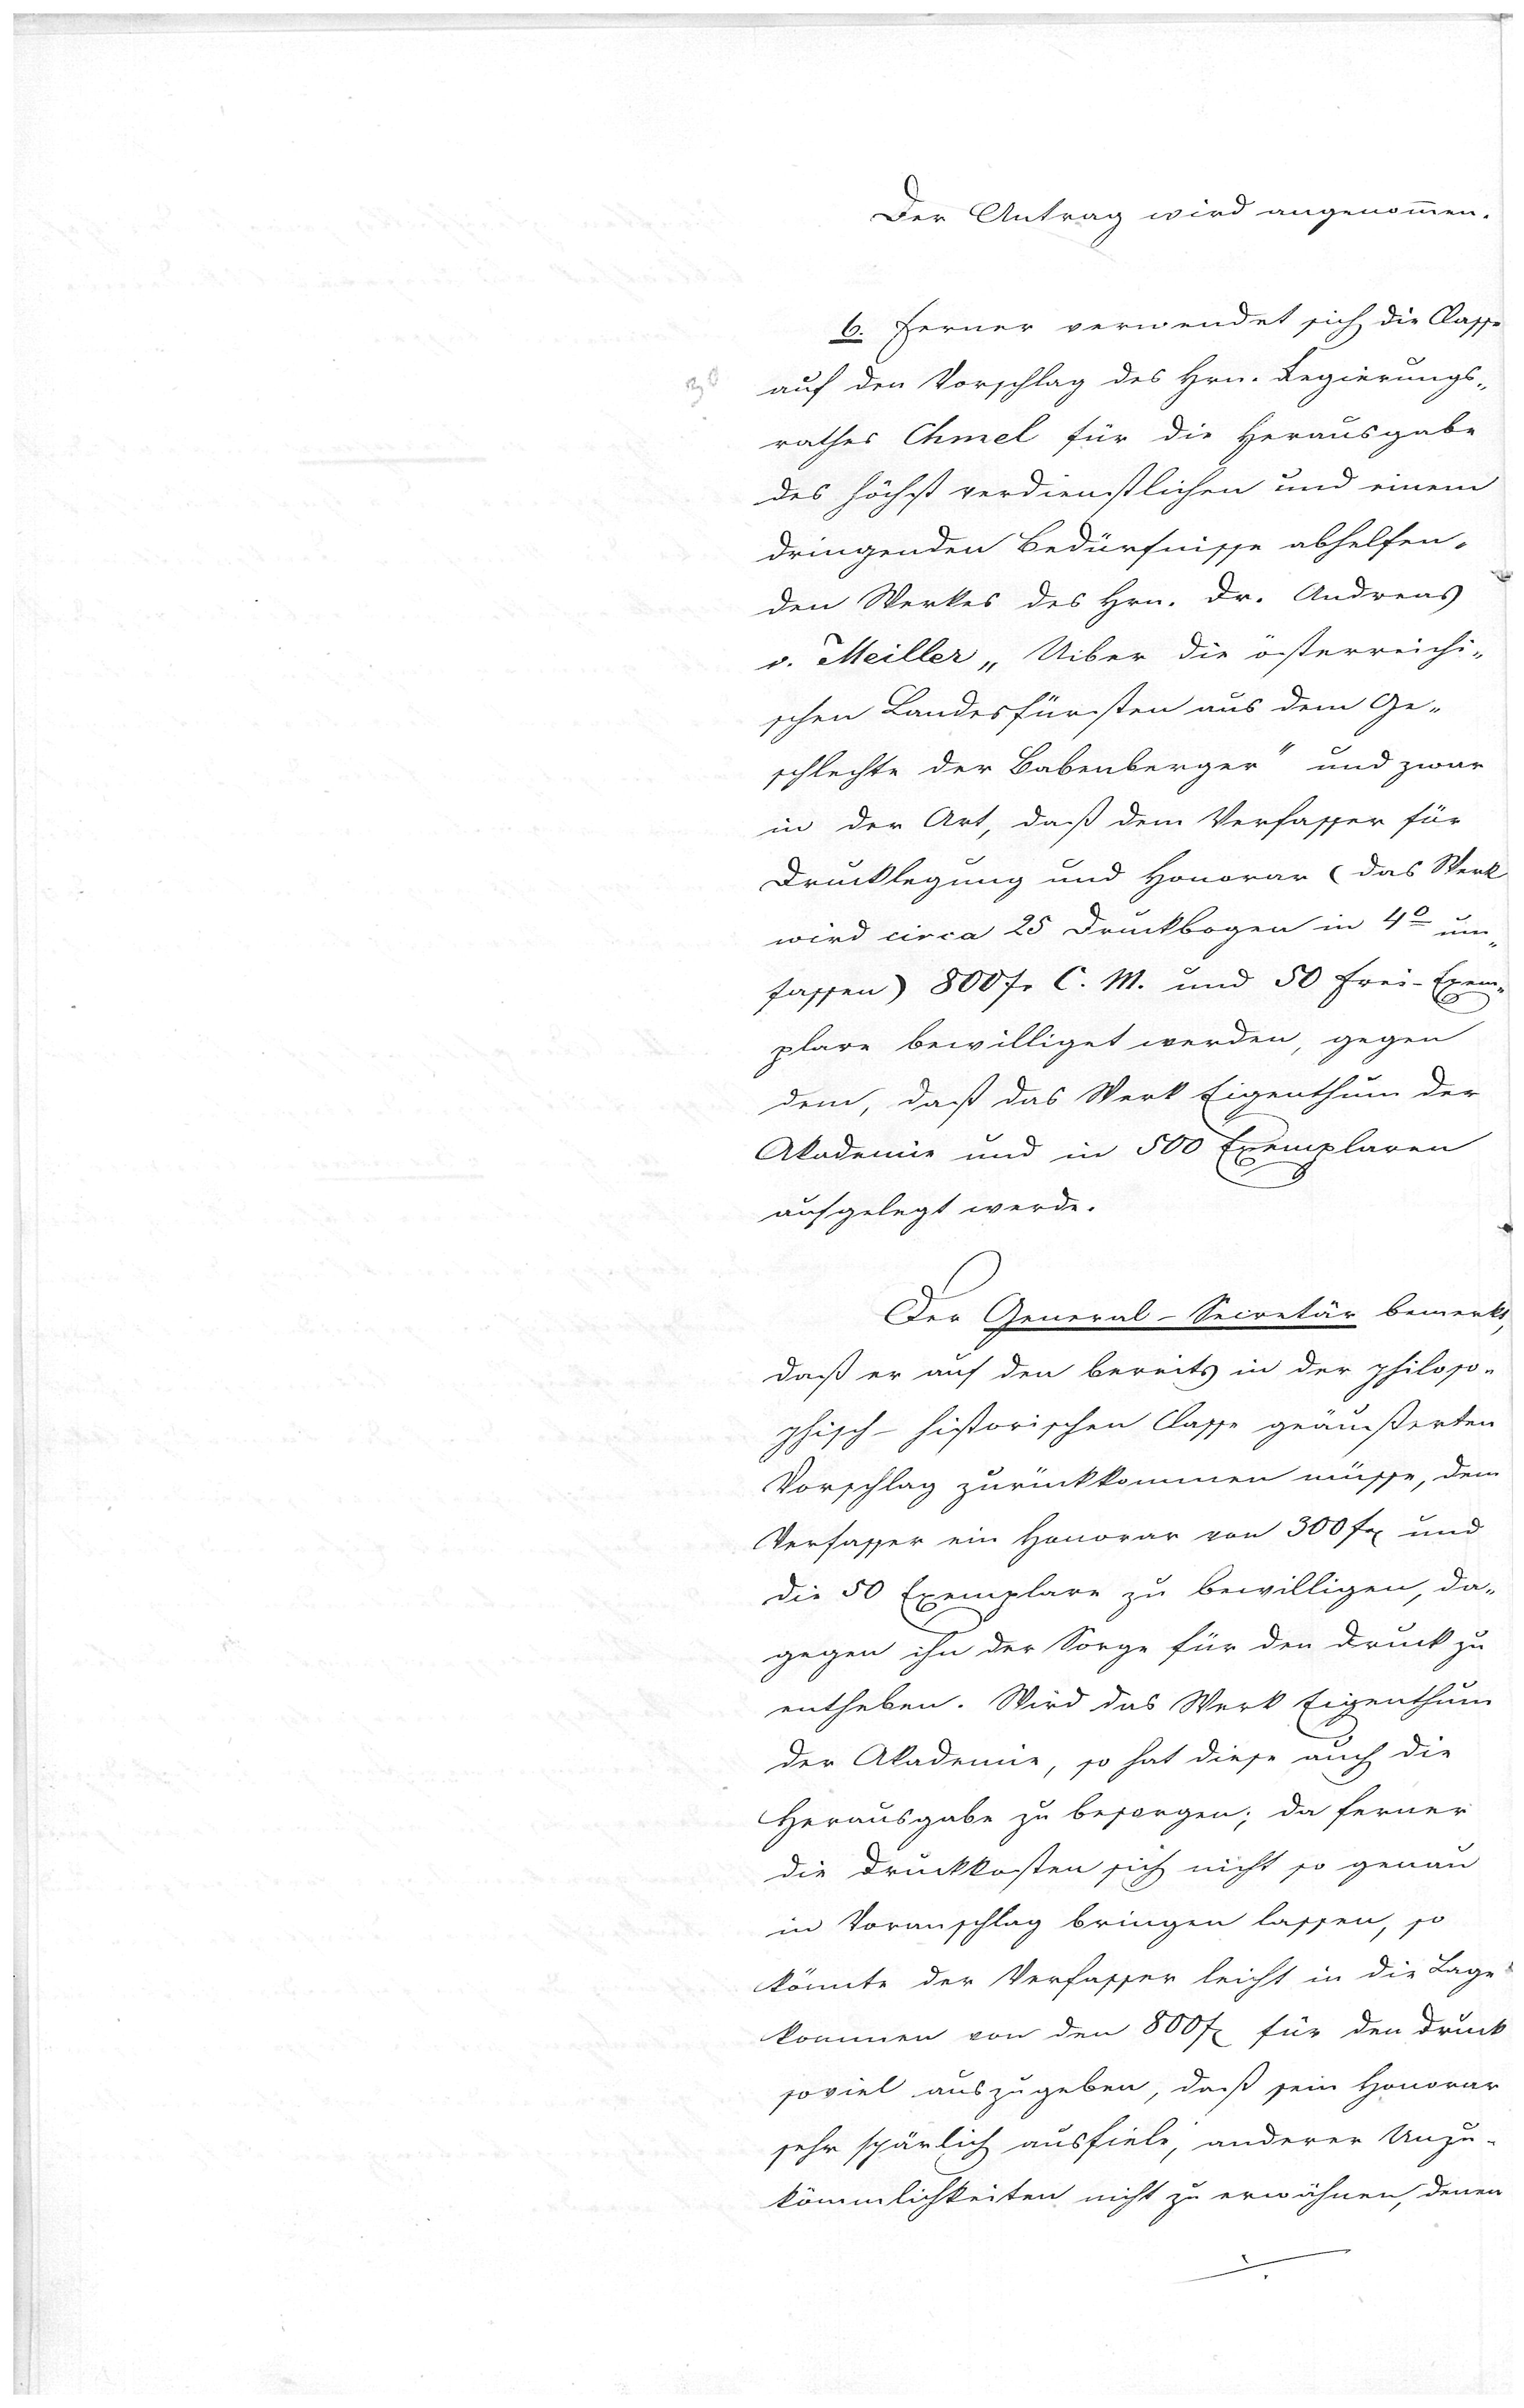Der Antrag wird angenommen.
b. Ferner verwendet sich die Classe
auf den Vorschlag des Hrn. Regierungs-
rathes Chmel für die Herausgabe
des höchst verdienstlichen und einem
drigenden Bedürfnisse abhelfen-
den Werken des Hrn. Dr. Andreas
v. Meiller "Uiber die osterreichi-
schen Landesfürsten aus dem Ge-
schlechte der Babenberger" und zwar
in der Art, daß dem Verfasser für
Drucklegung und Honorar (das Werk
wird circa 25 Druckbogen im 4o um-
fassen) 800 fr C. M. und 50 Frei-Exem-
plare bewilliget werden, gegen
dem, daß das Werk Eigenthum der
Akademie und in 500 Exemplaren
aufgelegt werde.
Der General-Secretär bemerkt,
daß er auf den bereits in der philoso-
phisch-historischen Classe geäußerten
Vorschlag zurückkommen müsse, dem
Verfasser ein Honorar von 300 fl und
die 50 Exemplare zu bewilligen, da-
gegen ihn der Sorge für den Druck zu
entheben. Wird das Werk Eigenthum
der Akademie, so hat diese auch die
Herausgabe zu besorgen; da ferner
die Druckkosten sich nicht so genau
in Voranschlag bringen lassen, so
könnte der Verfasser leicht in die Lage
kommen von den 800 fl für den Druck
soviel auszugeben, daß sein Honorar
sehr spärlich ausfiele, anderer Unzu-
kömmlichkeiten nicht zu erwähnen, denen